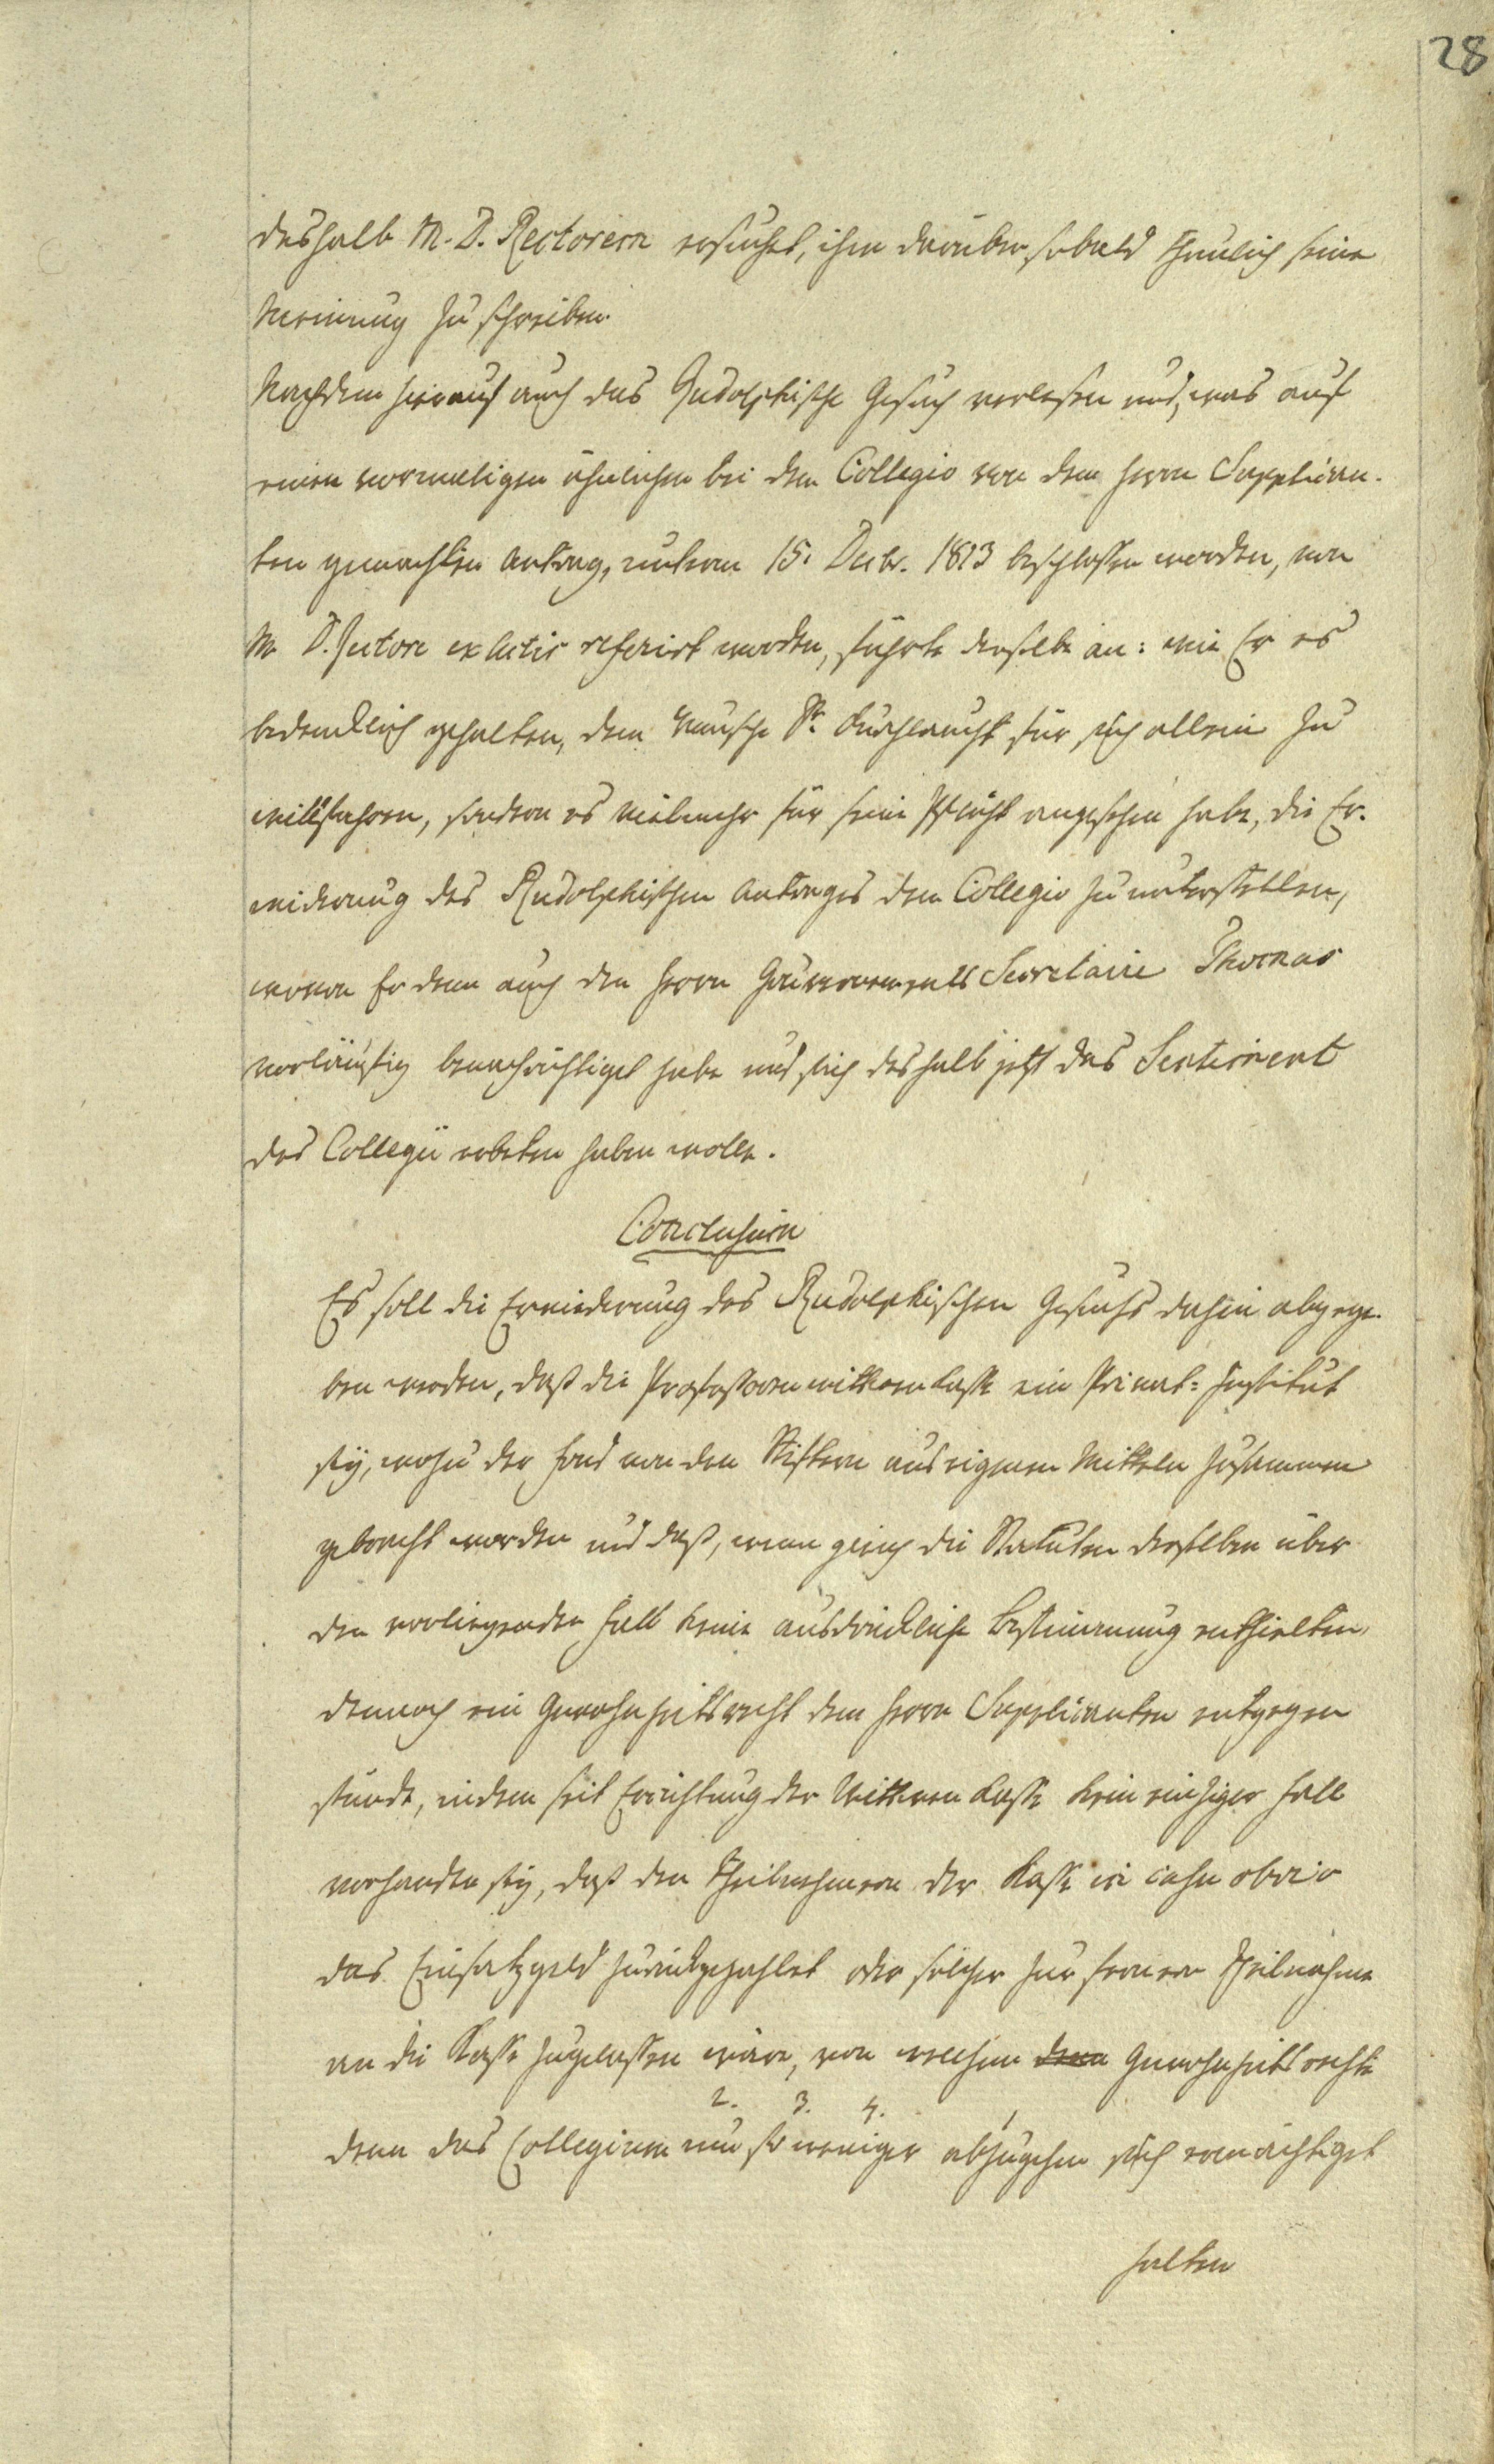deshalb M. D. Rectorem ersuchet, ihm darüber sobald thunlich seine
Meinung zu schreiben.
Nachdem hierauf auch das Rudolphische Gesuch verlesen und, was auf
einen vormaligen ähnlichen bei dem Collegio von dem Herrn Supplican¬
ten gemachten Antrag, unterm 15. Decbr. 1813 beschlossen worden, von
M D. Rectore ex Actis referirt worden, führte derselbe an: wie Er es
bedencklich gehalten, dem Wunsche Sr. Durchlaucht für sich allein zu
willfahren, sondern es vielmehr für seine Pflicht angesehen habe, die Er¬
widerung des Rudolphischen Antrages dem Collegio zu unterstellen,
wovon Er denn auch den Herrn Gouvernements Secretaire Thomas
vorläufig benachrichtiget habe und sich deshalb jetzt das Sentiment
des Collegii erbeten haben wolle.
Conclusum
Es soll die Erwiederung des Rudolphischen Gesuchs dahin abgege¬
ben werden, daß die Professorenwittwenkasse ein Privat-Institut
seÿ, wozu der Fond von den Stiftern aus eigenen Mitteln zusammen
gebracht worden und daß, wenn gleich die Statuten derselben über
den vorliegenden Fall keine ausdrücklich Bestimmung enthielten,
dennoch ein Gwohnheitsrecht dem Herrn Supplicanten entgegen
stünde, indem seit Errichtung der Wittwen Kasse kein einziger Fall
vorhanden seÿ, daß den Theilnehmern der Kasse in casu obrio
das Einsatzgeld zurückgezahlet oder solcher zur fernern theilnahme
an die Kasse zugelassen wäre, von welchem denn Gewohnheitsrechte
denn das Collegium um so weniger abzugehen sich ermächtiget
halten